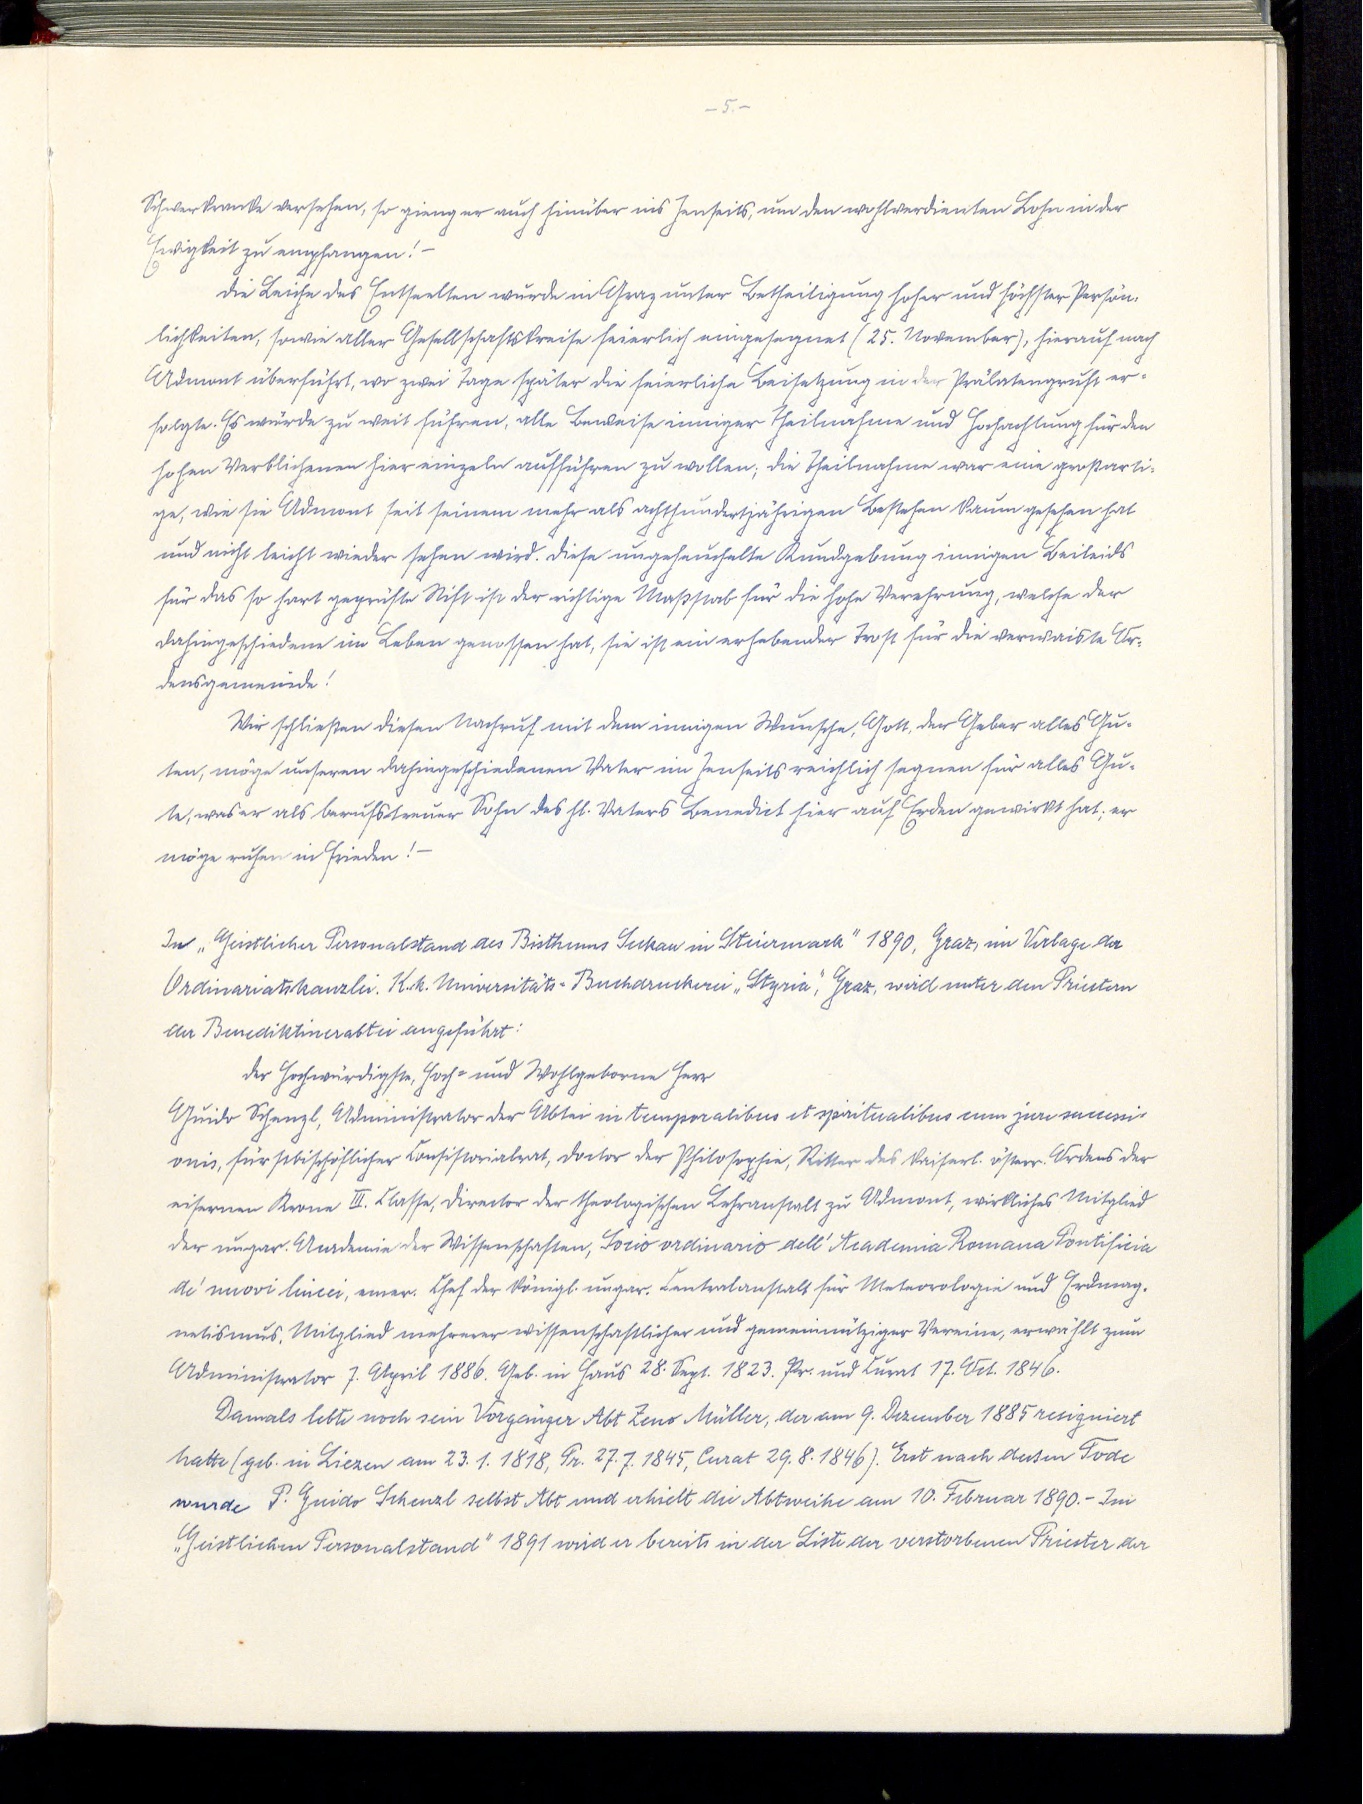-5.-
Schwerkrank versehen, so gieng er auch hinüber ins Jenseits, um den wohlverdienten Lohn in der
Ewigkeit zu empfangen! -
Die Laiche des Entseelten wurde in Graz unter Betheiligung hoher und höchster Person-
lichkeiten, sowie aller Gesellschaftskreise feierlich eingesegner (25. November), hierauf nach
Admont überführt, wo zwei Tage später die feierliche Beisetzung in der Prälatengruft er-
folgte. Es würde zu weit führen, alle Beweise inniger Theilnahme und Hochachtung für den
hohen Verblichenen hier einzeln aufführen zu wollen; die Theilnahme war eine großarti-
ge, wie sie Admont seit seinem mehr als achthundertjährigen Bestehen kaum gesehen hat
und nicht leicht wieder sehen wird. Diese ungeheuchelte Kundgebung innigen Beileids
für das so hart geprüfte Stift ist der richtige Maßstab für die hohe Verehrung, welche der
Dahingeschiedenen im Leben genossen hat, sie ist ein erhebender Trost für die verwaiste Or-
densgemeinde!
Wir schließen diesen Nachruf mit dem innigen Wunsche, Gott, der Geber alles Gu-
ten, möge unseren dahingeschiedenen Vater im Jenseits reichlich segnen für alles Gu-
te, was er als berufstreuer Sohn des hl. Vaters Benedict hier auf Erden gewirkt hat; er
möge ruhen in Frieden! -
In "Geistlicher Personalstand des Bisthums Seckau in Steiermark" 1890, Graz, im Verlage der
Ordinariatskanzlei. K. k. Universitäts-Buchdruckerei "Styria", Graz, wird unter den Priestern
der Benediktinerabtei angeführt:
Der hochwürdigste, hoch- und wohlgeborene Herr
Guido Schenzl, Administrator der Abtei in temporalibus et spirtualibus cum jure succesi-
onis, für scbischriftlicher xxx, Doctor der Philosophie, Ritter des kaiserl. österr. Ordens der
eisernen Krone III. Classe, Director der theologischen Lehranstalt zu Admont, wichtiges Mitglied
der ungar. Academie der Wissenschaften, Socio ordinario dell'Academia Romana Pontificia
de'nuovi lincei, xxx Chef der königl. ungar. Centralanstalt für Meteorologie und Erdmag-
netismus, Mitglied mehrerer wissenschaftlicher und gemeinnütziger Vereine, erwählt zum
Administrator 7. April 1886. Geb. in Haus 28. Sept. 1823. Pr. und Curat 17. Sept. 1846.
Damals lebte noch sein Vorgänger Abt Zeno Müller, der am 9. Dezember 1885 resigniert
hatte (geb. in Liezen am 23.1.1818, Pr. 27.7.1845, Curat 29.8.1847). Erst nach dessen Tode
wurde P. Guido Schenzl selbst Abt und erhielt die Abtweihe am 10. Februar 1890. - Im
"Geistlichen Personalstand! 1891 wird er bereits in der Liste der verstorbenen Priester der